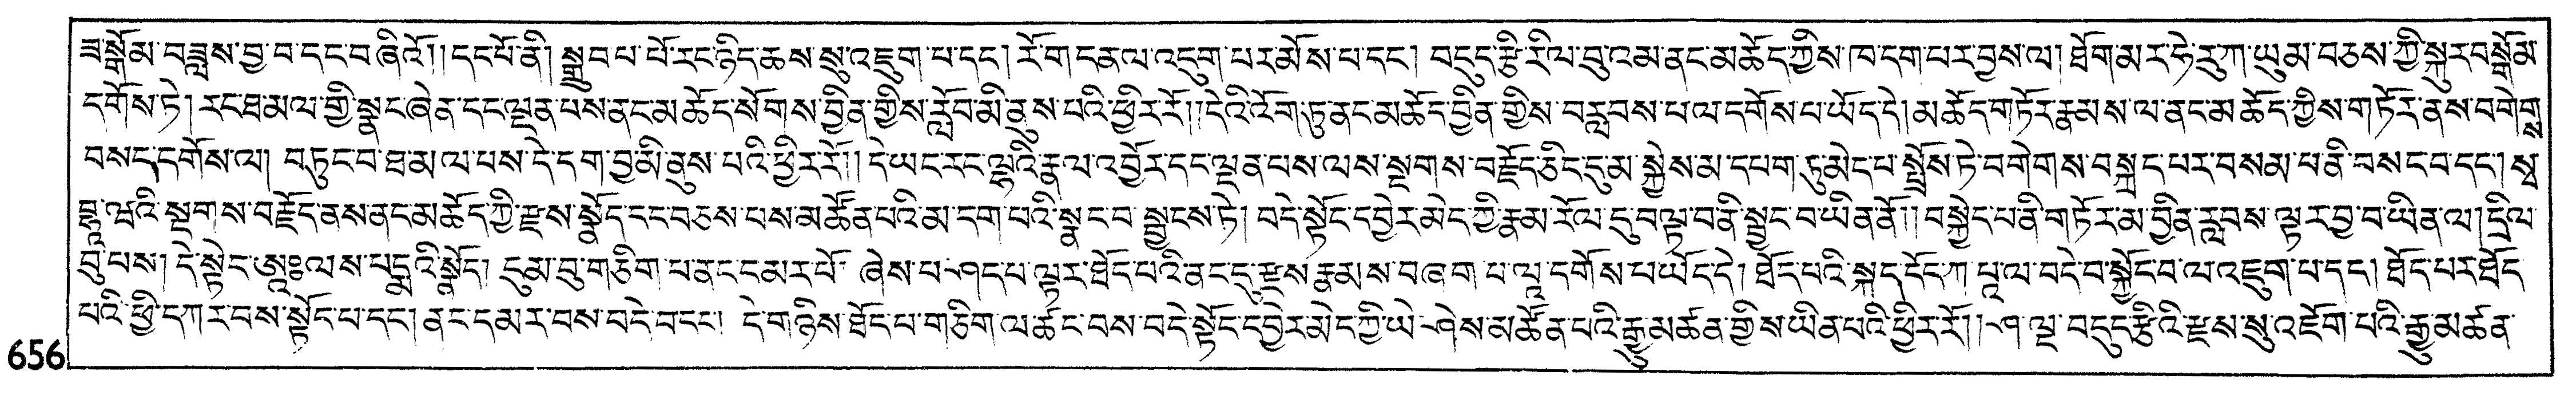ཟ་སྒོམ་བཟླས་བྱ་བ་དང་བཞིའོ། །དང་པོ་ནི། སྒྲུབ་པ་པོ་རང་ཉིད་ཆས་སུ་འཇུག་པ་དང་། རོ་གདན་ལ་འདུག་པར་མོས་པ་དང་། བདུད་རྩི་རིལ་བུ་འམ་ནང་མཆོད་ཀྱིས་ཁ་དག་པར་བྱས་ལ། ཐོག་མར་ཧེ་རུ་ཀ་ཡུམ་བཅས་ཀྱི་སྐུར་བསྒོམ་
དགོས་ཏེ། རང་ཐ་མལ་གྱི་སྣང་ཞེན་དང་ལྡན་པས་ནང་མཆོད་སོགས་བྱིན་གྱིས་རློབ་མི་ནུས་པའི་ཕྱིར་རོ། །དེའི་འོག་ཏུ་ནང་མཆོད་བྱིན་གྱིས་བརླབས་པ་ལ་དགོས་པ་ཡོད་དེ། མཆོད་གཏོར་རྣམས་ལ་ནང་མཆོད་ཀྱིས་གཏོར་ནས་བགེགས་
བསད་དགོས་ལ། བཏུང་བ་ཐ་མལ་པས་དེ་དག་བྱ་མི་ནུས་པའི་ཕྱིར་རོ། །དེ་ཡང་རང་ལྷའི་རྣལ་འབྱོར་དང་ལྡན་པས་ལས་སྔགས་བརྗོད་ཅིང་དུ་མ་སྐྱེས་མ་དཔག་ཏུ་མེད་པ་སྤྲོས་ཏེ་བགེགས་བསྐྲད་པར་བསམ་པ་ནི་བསང་བ་དང་། སྭ་
བྷཱ་ཝའི་སྔགས་བརྗོད་ནས་ནང་མཆོད་ཀྱི་རྫས་སྣོད་དང་བཅས་པས་མཚོན་པའི་མ་དག་པའི་སྣང་བ་སྦྱངས་ཏེ། བདེ་སྟོང་དབྱེར་མེད་ཀྱི་རྣམ་རོལ་དུ་བལྟ་བ་ནི་སྦྱང་བ་ཡིན་ནོ། །བསྐྱེད་པ་ནི་གཏོར་མ་བྱིན་རླབས་ལྟར་བྱ་བ་ཡིན་ལ། དྲིལ་
བུ་པས། དེ་སྟེང་ཨཱཿ ལས་པདམའི་སྣོད། དུམ་བུ་གཅིག་པ་ནང་དམར་པོ། ཞེས་བཤད་པ་ལྟར་ཐོད་པའི་ནང་དུ་རྫས་རྣམས་བཞག་པ་ལཱ་དགོས་པ་ཡོད་དེ། ཐོད་པའི་སྐད་དོད་ཀ་པཱ་ལ་བདེ་བ་སྐྱོད་བ་ལ་འཇུག་པ་དང་། ཐོད་པར་ཐོད་
པའི་ཕྱི་དཀར་བས་སྟོང་པ་དང་། ནང་དམར་བས་བདེ་བ་དང་། དེ་ཉིད་ཐོད་པ་གཅིག་ལ་ཚང་བས་བདེ་སྟོང་དབྱེར་མེད་ཀྱི་ཡེ་ཤེས་མཚོན་པའི་རྒྱུ་མཚན་གྱིས་ཡིན་པའི་ཕྱིར་རོ། །ཤ་ལྔ་བདུད་རྩིའི་རྫས་སུ་འཇོག་པའི་རྒྱུ་མཚན་